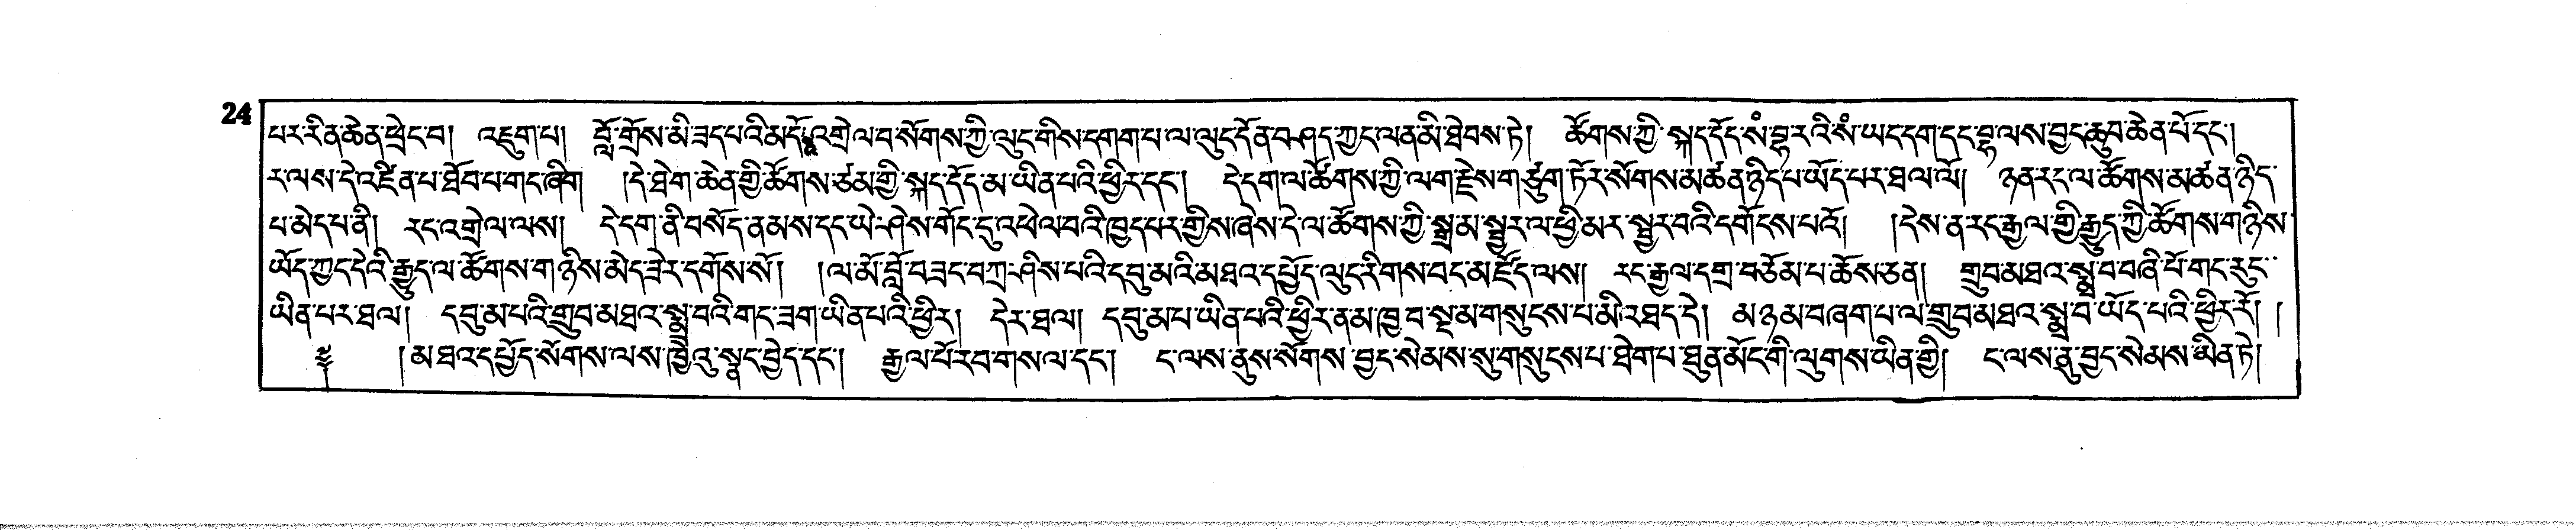པར་རིན་ཆེན་ཕྲེང་བ། འཇུག་པ། བློ་གྲོས་མི་ཟད་པའི་མདོའི་འགྲེལ་བ་སོགས་ཀྱི་ལུང་གིས་དགག་པ་ལ་ལུང་དོན་བཤད་ཀྱང་ལན་མི་ཐེབས་ཏེ། ཚོགས་ཀྱི་སྐད་དོད་སཾ་བྷ་རའི་སཾ་ཡང་དག་དང་བྷ་ལས་བྱང་ཆུབ་ཆེན་པོ་དང་།
ར་ལས་དེ་འཛིན་པ་ཐོབ་པ་གང་ཞིག །དེ་ཐེག་ཆེན་གྱི་ཚོགས་ཙམ་གྱི་སྐད་དོད་མ་ཡིན་པའི་ཕྱིར་དང་། དེ་དག་ལ་ཚོགས་ཀྱི་ལག་རྗེས་གཙུག་ཏོར་སོགས་མཚན་ཉིད་པ་ཡོད་པར་ཐལ་ལོ། ཉན་རང་ལ་ཚོགས་མཚན་ཉིད་
པ་མེད་པ་ནི། རང་འགྲེལ་ལས། དེ་དག་ནི་བསོད་ནམས་དང་ཡེ་ཤེས་གོང་དུ་འཕེལ་བའི་ཁྱད་པར་གྱིས་ཞེས་དེ་ལ་ཚོགས་ཀྱི་སྒྲ་མ་སྦྱར་ལ་ཕྱི་མར་སྦྱར་བའི་དགོངས་པའོ། །དེས་ན་རང་རྒྱལ་གྱི་རྒྱུད་ཀྱི་ཚོགས་གཉིས་
ཡོད་ཀྱང་དེའི་རྒྱུད་ལ་ཚོགས་གཉིས་མེད་ཟེར་དགོས་སོ། །ལ་མོ་བློ་བཟང་བཀྲ་ཤིས་པའི་དབུ་མའི་མཐའ་དཔྱོད་ལུང་རིགས་བང་མཛོད་ལས། རང་རྒྱལ་དགྲ་བཅོམ་པ་ཆོས་ཅན། གྲུབ་མཐའ་སྨྲ་བ་བཞི་པོ་གང་རུང་
ཡིན་པར་ཐལ། དབུ་མ་པའི་གྲུབ་མཐའ་སྨྲ་བའི་གང་ཟག་ཡིན་པའི་ཕྱིར། དེར་ཐལ། དབུ་མ་པ་ཡིན་པའི་ཕྱིར་ན་མ་ཁྱབ་སྔ་མ་གསུངས་པ་མི་འཐད་དེ། མཉམ་བཞག་པ་ལ་གྲུབ་མཐའ་སྨྲ་བ་ཡོད་པའི་ཕྱིར་རོ། །
༈ །མཐའ་དཔྱོད་སོགས་ལས་ཁྱེའུ་སྣང་བྱེད་དང་། རྒྱལ་པོ་རབ་གསལ་དང་། ང་ལས་ནུས་སོགས་བྱང་སེམས་སུ་གསུངས་པ་ཐེག་པ་ཐུན་མོང་གི་ལུགས་ཡིན་གྱི། ང་ལས་ནུ་བྱང་སེམས་མིན་ཏེ།